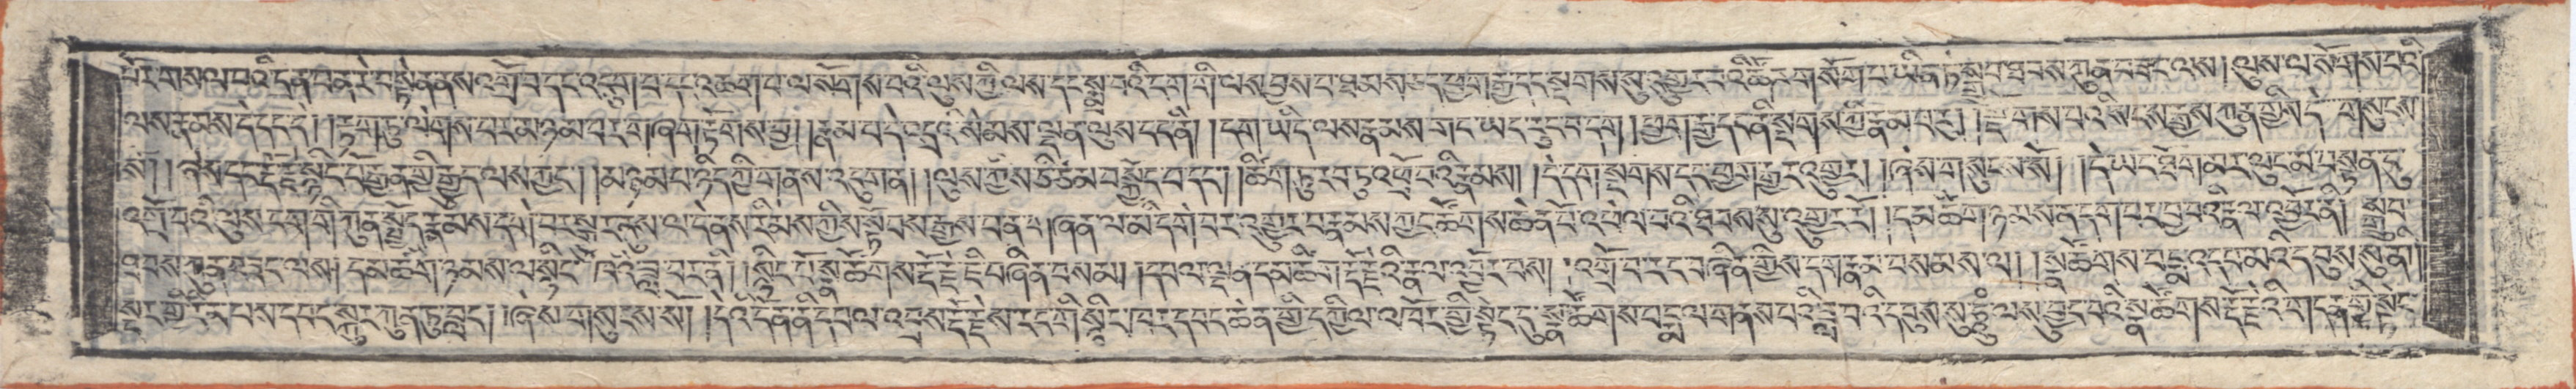བོར་གསལ་བའི་དྲན་པན་རེ་བསྟེན་ནས་འགྲོ་བ་དང་འདུག་པ་དང་འཆག་པ་ལ་སོགས་པའི་ལུས་ཀྱི་ལས་དང་སྨྲ་བའི་ངག་གི་ལས་བྱས་པ་ཐམས་ཅད་ཕྱག་རྒྱ་དང་སྔགས་སུ་འགྱུར་བའི་ཚོགས་གསོག་པ་ཡིན་ཏེ་སྒྲུབ་ཐབས་ཀུན་བཟང་ལས། ལུས་ལ་སོགས་པའི་
ལས་རྣམས་དེ་དང་དེ། །རྟག་ཏུ་ལེགས་པར་མཉམ་པར་གཞག་རྟོགས་བྱ། །རྣམ་པ་དེ་འདྲའི་སེམས་ལྡན་ལུས་དང་ནི། །དག་ཡིད་ལས་རྣམས་གང་ཡང་རུང་བ་དག །ཕྱག་རྒྱ་དང་ནི་སྔགས་ཀྱི་རྣམ་པ་རུ། །རྫོགས་པའི་སངས་རྒྱས་ཀུན་གྱིས་དེ་གསུངས་
སོ། །ཞེས་དང་རྡོ་རྗེ་སྙིང་པོ་རྒྱན་གྱི་རྒྱུད་ལས་ཀྱང་། །མཉམ་པ་ཉིད་ཀྱི་གནས་འདུག་ན། །ལུས་ཀྱིས་ཅི་ཙམ་བསྐྱོད་པ་དང་། །ཚིག་ཏུ་རབ་ཏུ་འཕྲོ་བའི་རྣམས། །དེ་དག་སྔགས་དང་ཕྱག་རྒྱར་འགྱུར། །ཞེས་གསུངས་སོ། །དེ་ཡང་ཐོག་མར་ལུང་མ་བསྟན་དུ་
འགྲོ་བའི་ལུས་ངག་གི་ཀུན་སྤྱོད་རྣམས་དགེ་བར་སྒྱུར་ནུས་ལ་དེ་ནས་རིམས་ཀྱིས་སྟོབས་རྒྱས་པ་ན་གཞན་ལ་མི་དགེ་བར་འགྱུར་བ་རྣམས་ཀྱང་ཚོགས་ཆེན་པོ་འཕེལ་བའི་ཐབས་སུ་འགྱུར་རོ། །དམ་ཚིག་ཉམས་ན་དག་པར་བྱ་བའི་རྣལ་འབྱོར་ནི། སྒྲུབ་
ཐབས་ཀུན་བཟང་ལས། དམ་ཚིག་ཉམས་ལ་སྙིང་ཁའི་ཟླ་བར་ནི། །སྙིང་པོ་སྣ་ཚོགས་རྡོ་རྗེ་ཇི་བཞིན་བསམ། །དཔལ་ལྡན་དམ་ཚིག་རྡོ་རྗེའི་རྣལ་འབྱོར་བས། །འགྲོ་བ་རང་བཞིན་གྱིས་དག་རྣམ་བསམས་ལ། །སྣ་ཚོགས་པདམ་འདབ་མའི་དབུས་སུ་ནི། །
སྔར་གྱི་རིམ་པས་དབང་སྐུར་ཀུན་ཏུ་བླང་། །ཞེས་གསུངས་སོ། །དེའི་དོན་ནི་དཔལ་འབྲས་རྡོ་རྗེས་རང་གི་སྙིང་ཁར་དབང་ཆེན་གྱི་དཀྱིལ་འཁོར་གྱི་སྟེང་དུ་སྣ་ཚོགས་པདམ་ལ་གནས་པའི་ཟླ་བའི་དབུས་སུ་ཧཱུཾ་ལས་བྱུང་བའི་སྣ་ཚོགས་རྡོ་རྗེའི་གདན་གྱི་སྟེང་